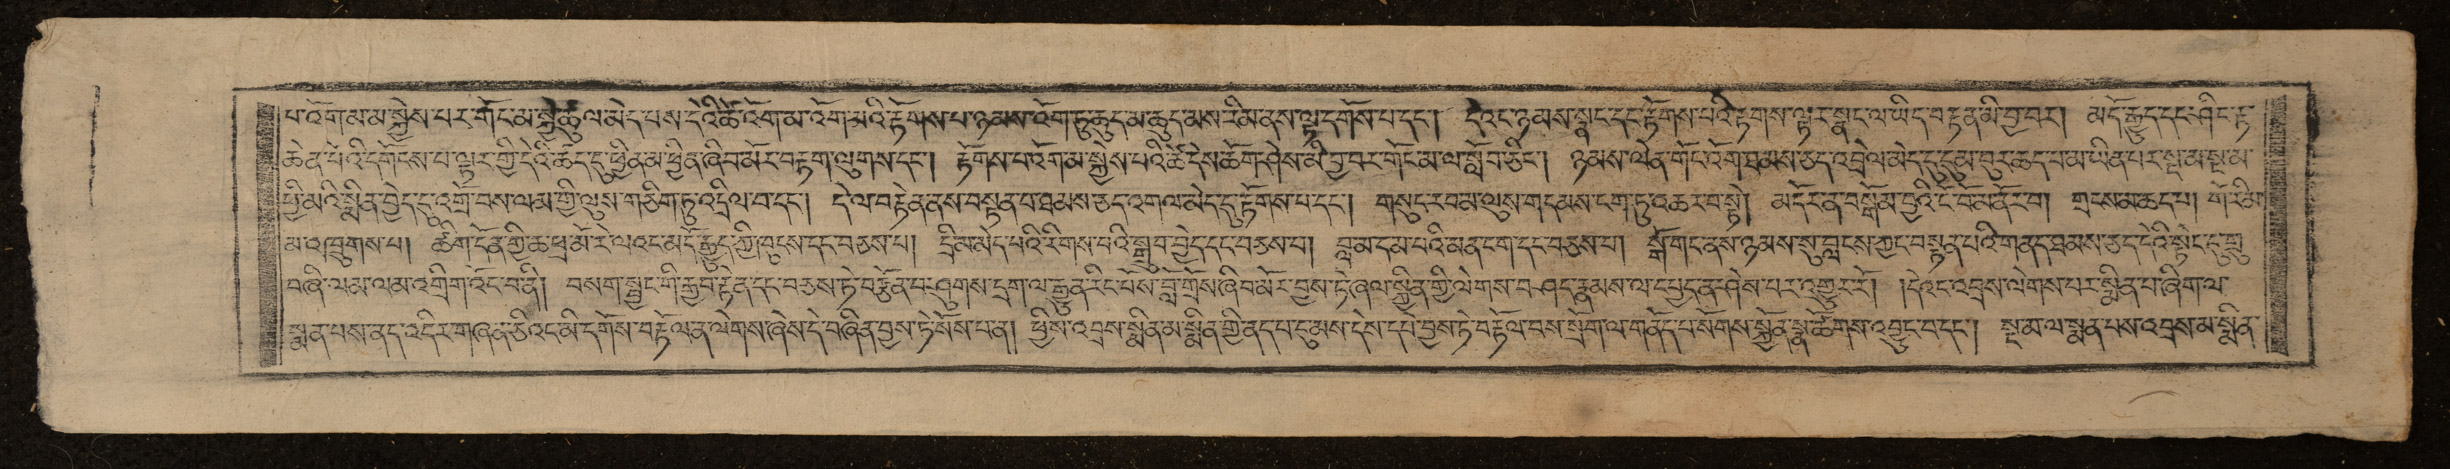པ་འོག་མ་མ་སྐྱེས་པར་གོང་མ་སྐྱེ་ཚུལ་མེད་པས་དེའི་ཚེ་འོག་མ་འོག་མའི་རྟོགས་པ་ཉམས་འོག་ཏུ་ཆུད་མ་ཆུད་མས་རིམ་ནས་ལྟ་དགོས་པ་དང་། དེའང་ཉམས་སྣང་དང་རྟོགས་པའི་རྟགས་ལྟར་སྣང་ལ་ཡིད་བརྟན་མི་བྱ་བར། མདོ་རྒྱུད་དང་ཤིང་རྟ་
ཆེན་པོའི་དགོངས་པ་ལྟར་གྱི་དེའི་ཚད་དུ་ཕྱིན་མ་ཕྱིན་ཞིབ་མོར་བརྟག་ལུགས་དང་། རྟོགས་པ་འོག་མ་སྐྱེས་པའི་ཚེ་དེས་ཆོག་ཤེས་མི་བྱ་བར་གོང་མ་ལ་སློབ་ཅིང་། ཉམས་ལེན་གོང་འོག་ཐམས་ཅད་འབྲེལ་མེད་དུ་དུམ་བུར་ཆད་པ་མ་ཡིན་པར་སྔ་མ་སྔ་མ་
ཕྱི་མའི་སྨིན་བྱེད་དུ་འགོ་བས་ལམ་གྱི་ལུས་གཅིག་ཏུ་འདྲིལ་བ་དང་། དེ་ལ་བརྟེན་ནས་བསྟན་པ་ཐམས་ཅད་འགལ་མེད་དུ་རྟོགས་བ་དང་། གསུང་རབ་མ་ལུས་གདམས་ངག་ཏུ་འཆར་བ་སྟེ། མདོར་ན་བསྒོམ་བྱའི་ངོ་བོ་མ་ནོར་བ། གྲངས་མ་ཆད་པ། གོ་རིམ་
མ་འཁྲུགས་པ། ཚིག་དོན་གྱི་ཆ་ཕྲ་མོ་རེ་ལའང་མདོ་རྒྱུད་ཀྱི་ཁུངས་དང་བཅས་པ། དྲི་མ་མེད་པའི་རིགས་པའི་སྒྲུབ་བྱེད་དང་བཅས་པ། བླ་མ་དམ་བའི་མན་ངག་དང་བཅས་བ། སྒོ་གང་ནས་ཉམས་སུ་བླངས་ཀྱང་བསྟན་པའི་གནད་ཐམས་ཅད་དེའི་སྟེང་དུ་གྲུ་
བཞི་ལམ་ལམ་འགྲིག་འོང་བ་ནི། བསག་སྦྱང་གི་རྒྱབ་རྟེན་དང་བཅས་ཏེ་བརྩོན་པ་ཤུགས་དྲག་ལ་རྒྱུན་རིང་བོས་བློ་གྲོས་ཞིབ་མོར་བྱས་ཏེ་ཞལ་སྐྱིན་གྱི་ལེགས་བཤད་རྣམས་ལ་དཔྱད་ན་ཤེས་པར་འགྱུར་རོ། །དེའང་འབྲས་ལེགས་པར་སྨིན་པ་ཞིག་ལ་
སྨན་པས་ནད་འདིར་གཞན་ཅིའང་མི་དགོས་བ་རྟོལ་ན་ལེགས་ཞེས་དེ་བཞིན་བྱས་ཏེ་སོས་པ་ན། ཕྱིས་འབྲས་སྨིན་མ་སྨིན་གྱི་ནད་པ་དུ་མས་དེས་དཔེ་བྱས་ཏེ་པ་རྟོལ་བས་སྲོག་ལ་གནོད་བ་སོགས་སྐྱོན་སྣ་ཚོགས་འབྱུང་བ་དང་། སྔ་མ་ལ་སྨན་པས་འབྲས་མ་སྨིན་